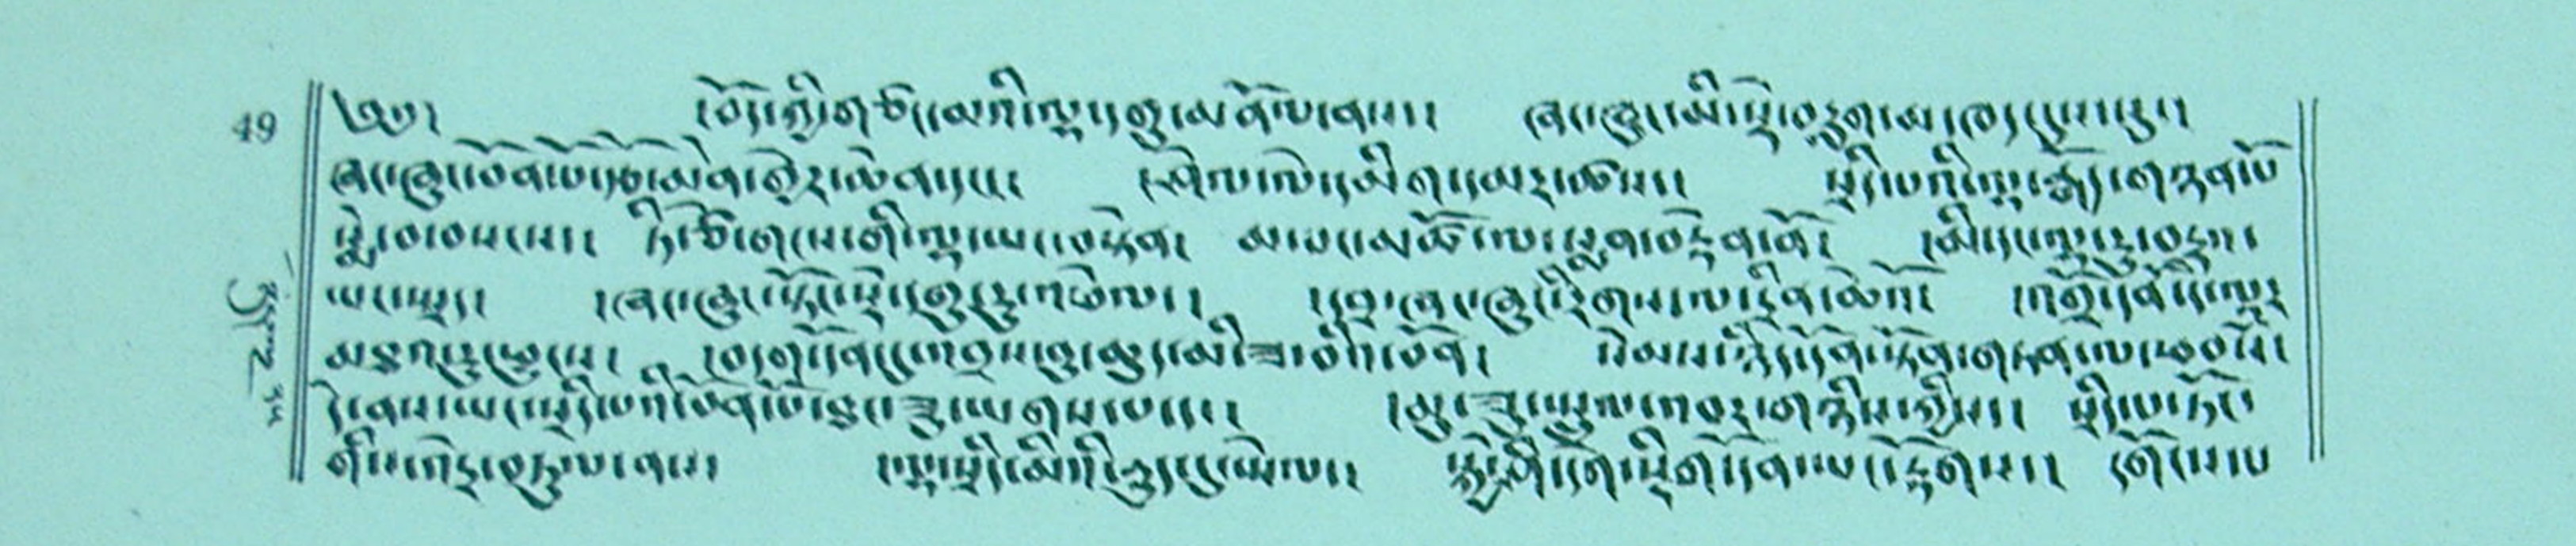༄༅། །བོད་ཀྱི་གཙང་མའི་ལྷ་དགུ་མནོལ་ནས། ཞང་ཞུང་གི་མི་སྡེ་བརླག་མ་ཁད་དུས་སུ། 
ཞང་ཞུང་གི་བོན་པོ་བཙོ་མེན་གྱེར་ཆེན་དང་། ཤེལ་ལེ་དམིག་དམར་ཚ་དང་། སྲིད་པའི་ལྷ་རྒོད་གཉན་པོ་
སྨེ་བ་བསངས། ཏི་ཙེ་གངས་ཀྱི་ལྷ་ཡང་བསྟེན། མ་པང་མཚོའ་ལ་སྨན་ཡང་བརྟེན་ནོ། །མི་དང་ལྷ་རུ་བརྡའ་
ཡང་སྤྲད། ཞང་ཞུང་སྟོང་སྡེ་དགུ་རུ་འཕེལ། དབྲ་ཞང་ཞུང་རིགས་ལ་དྲིན་ཆེའོ། །འགྲོ་དོན་དེ་ལྟར་
མཐར་རུ་ཕྱུངས། བདག་དོན་དུ་འབྲས་བུ་ཆུད་མི་ཟ་བའི་བོན། སེམས་ཉིད་དོན་སྟོན་གཏན་ལ་ཕབས་སོ། །
དེ་ནས་ཡང་སྲིད་པའི་བོན་པོ་ཐང་ཟུ་ཡགས་པ་དང་། མུ་ཟུ་སྤྲུལ་འབར་གཉིས་ཀྱིས། སྲིད་པ་སྟོང་
གི་འདྲེ་བཏུལ་ནས། ལྷ་སྲིད་མིའི་རྒྱུད་དུ་སྤེལ། སྐྱེ་ཤི་དགེ་སྡིག་དོན་ཡང་རྟོགས། དགོངས་པ་